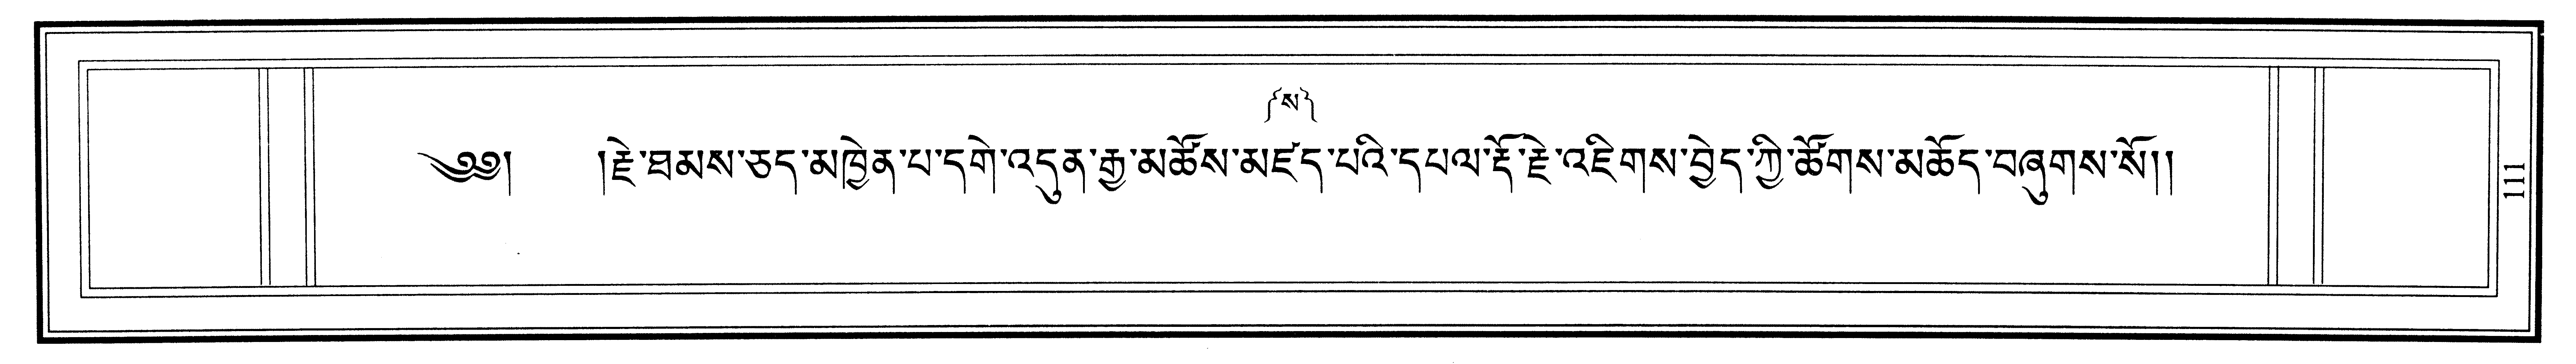༄༅། །རྗེ་ཐམས་ཅད་མཁྱེན་པ་དགེ་འདུན་རྒྱ་མཚོས་མཛད་པའི་དཔལ་རྡོ་རྗེ་འཇིགས་བྱེད་ཀྱི་ཚོགས་མཆོད་བཞུགས་སོ།།